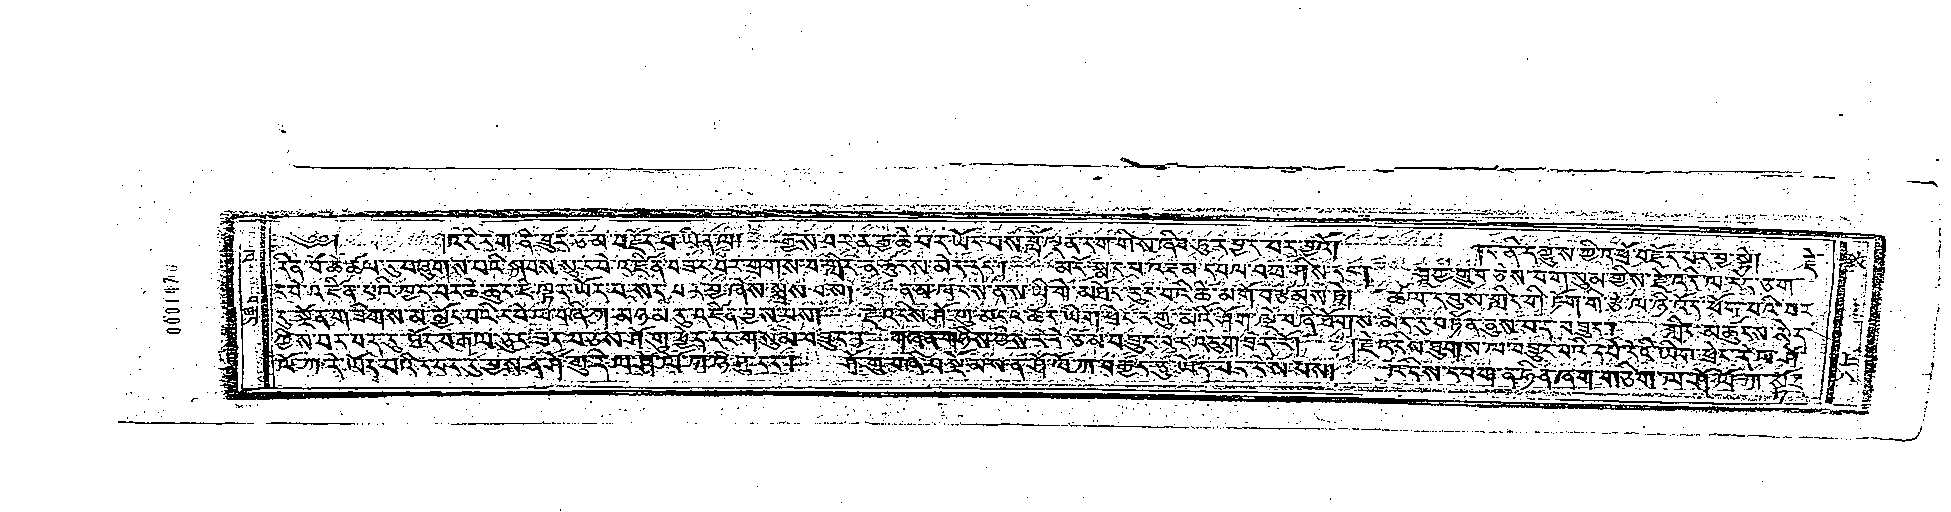༄༅། །འདི་དག་ནི་བྱུང་ཙམ་བརྗོད་པ་ཡིན་ལ། རྒྱས་བར་ན་རྒྱ་ཆེ་བར་ཡོད་བས་བློ་ལྡན་དག་གིས་ཞིབ་ཏུ་དཔྱད་བར་བྱའོ། །ང་ནི་དཀྱུས་ཀྱི་འཕྲོ་བརྗོད་པར་བྱ་སྟེ། རྗེ་
རིན་པོ་ཆེ་ཚལ་དུ་བཞུགས་པའི་སྐབས་སུ་དཔེ་འཛིན་བཟང་བར་གྲགས་བ་གླིང་མཚུངས་མེད་དང་། མདོ་སྨད་པ་འཇམ་དཔལ་བཀྲ་ཤིས་དང་། ཤཱཀྱ་གྲུབ་ཅེས་བ་གསུམ་གྱིས་རྗེ་འདི་ལ་ངེད་ཅག་
དཔེ་འཛིན་པའི་ཁྱད་བར་ཆེ་ཆུང་ཇི་ལྟར་ཡོད་པ་སང་པར་བྱ་ཞེས་སྨྲས་པས། ནམ་ལངས་ནས་ཡི་གེ་མཐོང་རུང་བའི་ཚེ་མགོ་བརྩམས་ཏེ། ཚལ་དབུས་གླིང་གི་ཏོག་གི་རྩོལ་ཉི་འོད་ཕོག་པའི་བར་
དུ་སྔོན་གཟིགས་མ་མྱོང་བའི་དཔེ་ལ་བཞི་ཀ་མཉམ་དུ་འཛིན་བྱས་པས། རྗེ་འདིས་ཤོ་གུ་མདའ་ཚད་ཡིག་ཕྲེང་དགུ་མའི་ཤོག་ལྡེ་བཞི་ཐོགས་མེད་དུ་བཏོན་ནུས་པར་བཟུང་། གླིང་མཚུངས་མེད་
ཀྱིས་བར་བར་དུ་ཐོང་བརྒལ་ཅུང་ཟད་བཅས་ཤོ་གུ་ཕྱེད་དང་གསུམ་བཟུང་། གཞན་གཉིས་ཀྱིས་རེའི་ཙམ་བཟུང་བར་འདུག་ཟེར་རོ། །རྗེ་འདིས་ཐུགས་ལ་བཟུང་བའི་དཔེ་དེའི་ཡིག་ཕྲེང་རེ་ལ་ཤོ་
ལོ་ཀ་རེ་ཡོད་པའི་དབང་དུ་བྱས་ན་ཤོ་གུ་རེ་ལ་ཤོ་ལོ་ཀ་ཉི་ཤུ་དང་། ཤོ་གུ་བཞི་བསྡོམས་ན་ཤོ་ལོ་ཀ་བརྒྱད་ཅུ་ཡོད་པར་ངེས་པས། འདིས་དཔག་ན་ཉིན་ཞག་གཅིག་ལ་ཤོ་ལོ་ཀ་སྟོང་